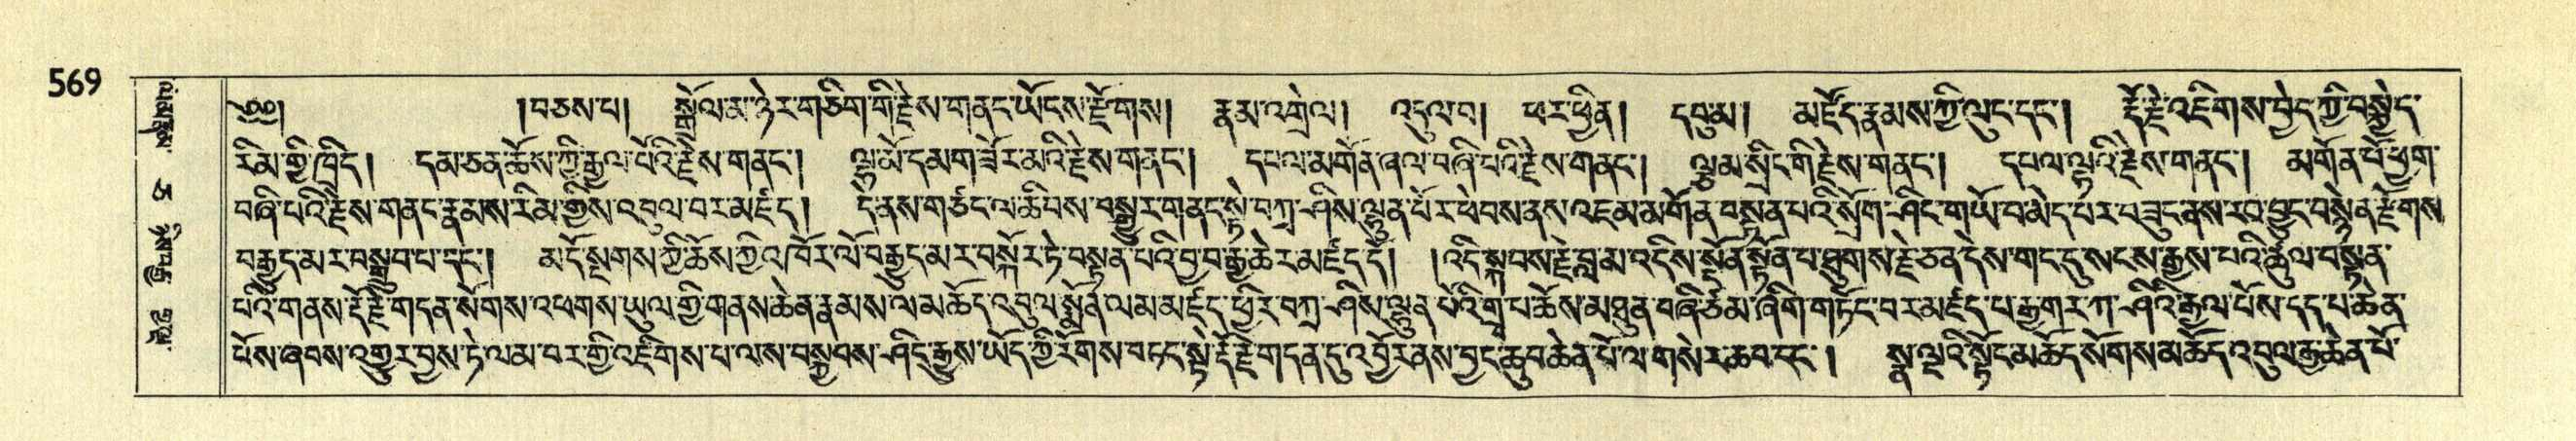༄༅། །བཅས་པ། སྒྲོལ་མ་ཉེར་གཅིག་གི་རྗེས་གནང་ཡོངས་རྫོགས། རྣམ་འགྲེལ། འདུལ་བ། ཕར་ཕྱིན། དབུ་མ། མཛོད་རྣམས་ཀྱི་ལུང་དང་། རྡོ་རྗེ་འཇིགས་བྱེད་ཀྱི་བསྐྱེད་
རིམ་གྱི་ཁྲིད། དམ་ཅན་ཆོས་ཀྱི་རྒྱལ་པོའི་རྗེས་གནང་། ལྷ་མོ་དམག་ཟོར་མའི་རྗེས་གནང་། དཔལ་མགོན་ཞལ་བཞི་པའི་རྗེས་གནང་། ལྕམ་སྲིང་གི་རྗེས་གནང་། དཔལ་ལྷའི་རྗེས་གནང་། མགོན་པོ་ཕྱག་
བཞི་པའི་རྗེས་གནང་རྣམས་རིམ་གྱིས་འབུལ་བར་མཛད། དེ་ནས་གཙང་ལ་ཆིབས་བསྒྱུར་གནང་སྟེ་བཀྲ་ཤིས་ལྷུན་པོར་ཕེབས་ནས་འཇམ་མགོན་བསྟན་པའི་སྲོག་ཤིང་གཡོ་བ་མེད་པར་བཟུང་ནས་རབ་བྱུང་བསྙེན་རྫོགས་
བརྒྱུད་མར་བསྒྲུབ་པ་དང་། མདོ་སྔགས་ཀྱི་ཆོས་ཀྱི་འཁོར་ལོ་བརྒྱུད་མར་བསྐོར་ཏེ་བསྟན་པའི་བྱ་བ་རྒྱ་ཆེར་མཛད་དོ། །འདི་སྐབས་རྗེ་བླ་མ་འདིས་སྔོན་སྟོན་པ་ཐུགས་རྗེ་ཅན་དེས་གང་དུ་སངས་རྒྱས་པའི་ཚུལ་བསྟན་
པའི་གནས་རྡོ་རྗེ་གདན་སོགས་འཕགས་ཡུལ་གྱི་གནས་ཆེན་རྣམས་ལ་མཆོད་འབུལ་སྨོན་ལམ་མཛད་ཕྱིར་བཀྲ་ཤིས་ལྷུན་པོའི་གྲྭ་པ་ཆོས་མཐུན་བཞི་ཙམ་ཞིག་གཏོང་བར་མཛད་པ་རྒྱ་གར་ཀ་ཤིའི་རྒྱལ་པོས་དད་པ་ཆེན་
པོས་ཞབས་འགྱུར་བྱས་ཏེ་ལམ་བར་གྱི་འཇིགས་པ་ལས་བསྐྱབས་ཤིང་རྒྱུས་ཡོད་ཀྱི་རོགས་བཏང་སྟེ་རྡོ་རྗེ་གདན་དུ་འབྱོར་ནས་བྱང་ཆུབ་ཆེན་པོ་ལ་གསེར་ཆབ་དང་། སྣ་ལྔའི་སྟོང་མཆོད་སོགས་མཆོད་འབུལ་རྒྱ་ཆེན་པོ་